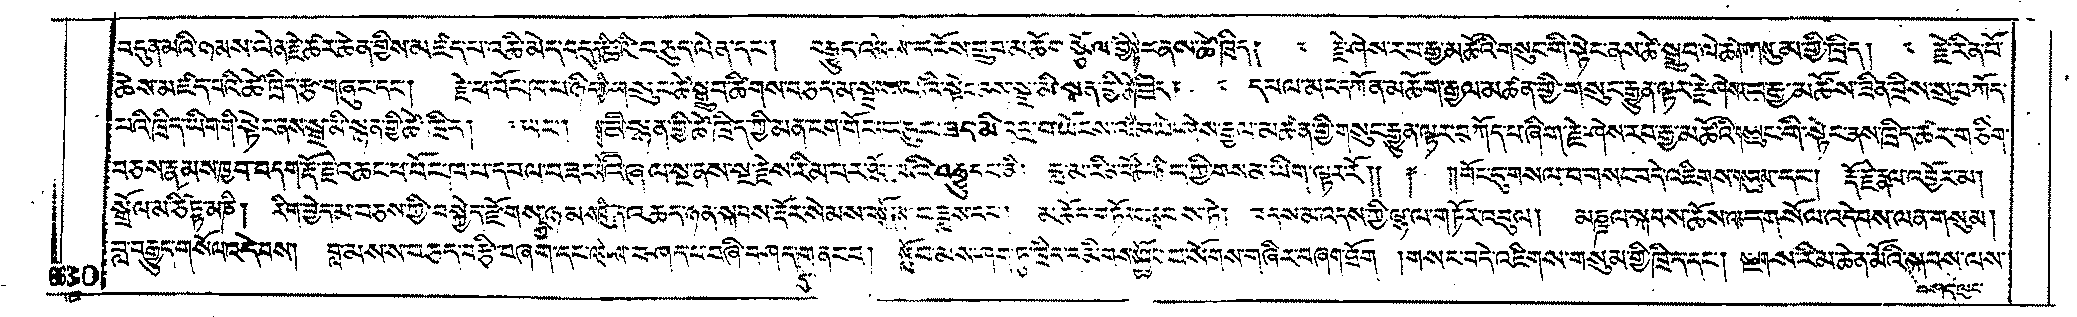བདུན་མའི་ཉམས་ལེན་རྗེ་ཚར་ཆེན་གྱིས་མཛད་པ་འཆི་མེད་བདུད་རྩིའི་བཅུད་ལེན་དང་། བརྒྱུད་འདེབས་དངོས་གྲུབ་མཆོག་སྩོལ་གྱི་སྟེང་ནས་ཚེ་ཁྲིད། ༧་རྗེ་ཤེས་རབ་རྒྱ་མཚོའི་གསུང་གི་སྟེང་ནས་ཚེ་སྒྲུབ་ལེ་ཚན་གསུམ་གྱི་ཁྲིད། ༧་རྗེ་རིན་པོ་
ཆེས་མཛད་པའི་ཚེ་ཁྲིད་རྩ་གཞུང་དང་། རྗེ་ཕ་བོང་ཁ་པ་ཉིད་ཀྱི་གསུང་ཚེ་སྒྲུབ་ཚིགས་བཅད་མ་སྦྲགས་པའི་སྟེང་ནས་སྒྲ་མི་སྙན་གྱི་ཚེ་ཁྲིད། ༧་དཔལ་མང་དཀོན་མཆོག་རྒྱལ་མཚན་གྱི་གསུང་རྒྱུན་ལྟར་རྗེ་ཤེས་རབ་རྒྱ་མཚོས་ཟིན་བྲིས་སུ་བཀོད་
པའི་ཁྲིད་ཡིག་གི་སྟེང་ནས་སྒྲ་མི་སྙན་གྱི་ཚེ་ཁྲིད། ༧ཡང་། སྒྲ་མི་སྙན་གྱི་ཚེ་ཁྲིད་ཀྱི་མན་ངག་གོང་དང་ཅུང་ཟད་མི་འདྲ་བ་ཡོངས་འཛིན་ཡེ་ཤེས་རྒྱལ་མཚན་གྱི་གསུང་རྒྱུན་ལྟར་བཀོད་པ་ཞིག་རྗེ་ཤེས་རབ་རྒྱ་མཚོའི་གསུང་གི་སྟེང་ནས་ཁྲིད་ཚར་གཅིག་
བཅས་རྣམས་ཁྱབ་བདག་རྡོ་རྗེ་འཆང་ཕ་བོང་ཁ་པ་དཔལ་བཟང་པོའི་ཞལ་སྔ་ནས་སྔ་རྗེས་རིམ་པར་ཐོབ་པའི་བརྒྱུད་པ་ནི། བླ་མ་རིན་པོ་ཆེ་ཉིད་ཀྱི་གསན་ཡིག་ལྟར་རོ།། འ་།།གོང་དུ་གསལ་བ་གསང་བདེ་འཇིགས་གསུམ་དང་། རྡོ་རྗེ་རྣལ་འབྱོར་མ།
སྒྲོལ་མ་ཙིཏྟ་མ་ཎི། རིག་བྱེད་མ་བཅས་ཀྱི་བསྐྱེད་རྫོགས་ཀྱི་ཉམས་ཁྲིད་འཆད་ཉན་སྐབས་རྡོར་སེམས་བསྒོམ་བཟླས་དང་། མཆོད་གཏོར་བརླབས་ཏེ། འདས་མ་འདས་ཀྱི་ལྷ་ལ་གཏོར་འབུལ། མཎྜལ་སྐབས་ཆོས་འཆད་གསོལ་འདེབས་ལན་གསུམ།
བླ་བརྒྱུད་གསོལ་འདེབས། བླ་མས་ས་བཅད་བརྩི་བཞག་དང་བྲེལ་བཤད་པ་བཞི་བཤད་དུ་གནང་བ། སློབ་མས་ཤག་ཏུ་ཁྲིད་དམིགས་སྐྱོང་བ་སོགས་གཞིར་བཞག་ཐོག །གསང་བདེ་འཇིགས་གསུམ་གྱི་ཁྲིད་དང་། སྔགས་རིམ་ཆེན་མོའི་བཤད་ལུང་སྐབས་ལས་